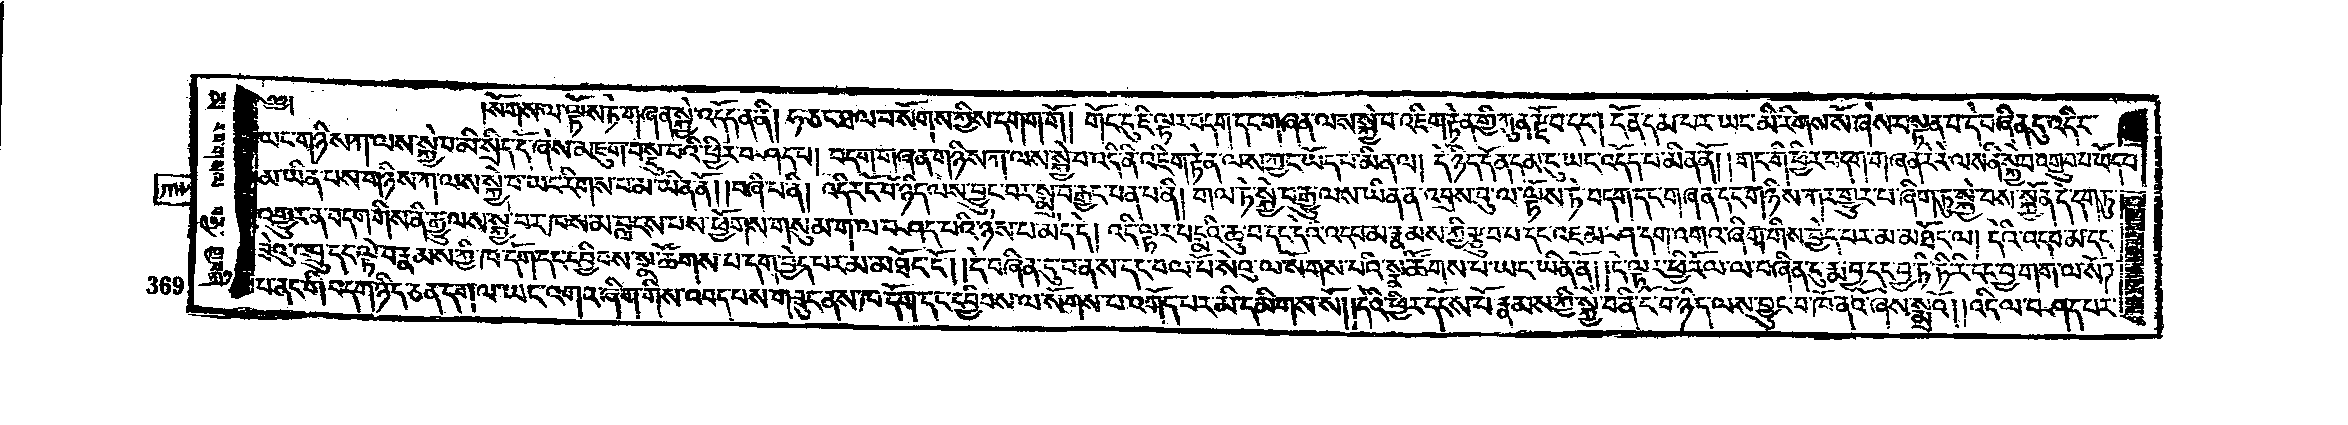༄༅། །སོགས་ལ་ལྟོས་ཏེ་གཞན་སྐྱེ་འདོད་ན་ནི། ཧ་ཅང་ཐལ་བ་སོགས་ཀྱིས་དགག་གོ ། གོང་དུ་ཇི་ལྟར་བདག་དང་གཞན་ལས་སྐྱེ་བ་འཇིག་རྟེན་གྱི་ཀུན་རྫོབ་དང་། དོན་དམ་པར་ཡང་མི་རིགས་སོ་ཞེས་བསྟན་པ་དེ་བཞིན་དུ་འདིར་
ཡང་གཉིས་ཀ་ལས་སྐྱེ་བ་མི་སྲིད་དོ་ཞེས་མཇུག་བསྡུ་བའི་ཕྱིར་བཤད་པ། བདག་གཞན་གཉིས་ཀ་ལས་སྐྱེ་བ་འདི་ནི་འཇིག་རྟེན་ལས་ཀྱང་ཡོད་པ་མིན་ལ། དེ་ཉིད་དོན་དམ་དུ་ཡང་འདོད་པ་མིན་ནོ། །གང་གི་ཕྱིར་བདག་གཞན་རེ་རེ་ལས་ནི་སྐྱེ་བ་འགྲུབ་པ་ཡོད་པ་
མ་ཡིན་པས་གཉིས་ཀ་ལས་སྐྱེ་བ་ཡང་རིགས་པ་མ་ཡིན་ནོ། །བཞི་པ་ནི། འདིར་ངོ་བོ་ཉིད་ལས་བྱུང་བར་སྨྲ་བ་རྒྱང་ཕན་པ་ནི། གལ་ཏེ་སྐྱེ་བ་རྒྱུ་ལས་ཡིན་ན་འབྲས་བུ་ལ་ལྟོས་ཏེ་བདག་དང་གཞན་དང་གཉིས་ཀར་གྱུར་པ་ཞིག་ཏུ་སྐྱེ་བས་སྐྱོན་དེ་དག་ཏུ་
འགྱུར་ན་བདག་གིས་ནི་རྒྱུ་ལས་སྐྱེ་བར་ཁས་མ་བླངས་པས་ཕྱོགས་གསུམ་ག་ལ་བཤད་པའི་ཉེས་པ་མེད་དེ། འདི་ལྟར་པད་མའི་ཆུ་བ་དང་དེའི་འདབ་མ་རྣམས་ཀྱི་རྩུབ་པ་དང་འཇམ་ཤ་དག་འགའ་ཞིག་གིས་བྱེད་པར་མ་མཐོང་ལ། དེའི་འདབ་མ་དང་
ཟེའུ་འབྲུ་དང་ལྟེ་བ་རྣམས་ཀྱི་ཁ་དོག་དང་དབྱིབས་སྣ་ཚོགས་པ་དག་བྱེད་པར་མ་མཐོང་ངོ། །དེ་བཞིན་དུ་པ་ན་ས་དང་བལ་པོ་སེའུ་ལ་སོགས་པའི་སྣ་ཚོགས་པ་ཡང་ཡིན་ནོ། །དེ་ལྟར་ཕྱི་རོལ་ལ་བཞིན་དུ་རྨ་བྱ་དང་བྱ་ཏི་ཏི་རེ་དང་བྱ་གག་ལ་སོགས་
པ་ནང་གི་བདག་ཉིད་ཅན་དག་ལ་ཡང་འགའ་ཞིག་གིས་འབད་པས་གཟུང་ནས་ཁ་དོག་དང་དབྱིབས་ལ་སོགས་པ་འགོད་པར་མི་དམིགས་སོ། །དེའི་ཕྱིར་དངོས་པོ་རྣམས་ཀྱི་སྐྱེ་བ་ནི་ངོ་བོ་ཉིད་ལས་བྱུང་བ་ཁོ་ནའོ་ཞེས་སྨྲའོ། །འདི་ལ་བཤད་པར་